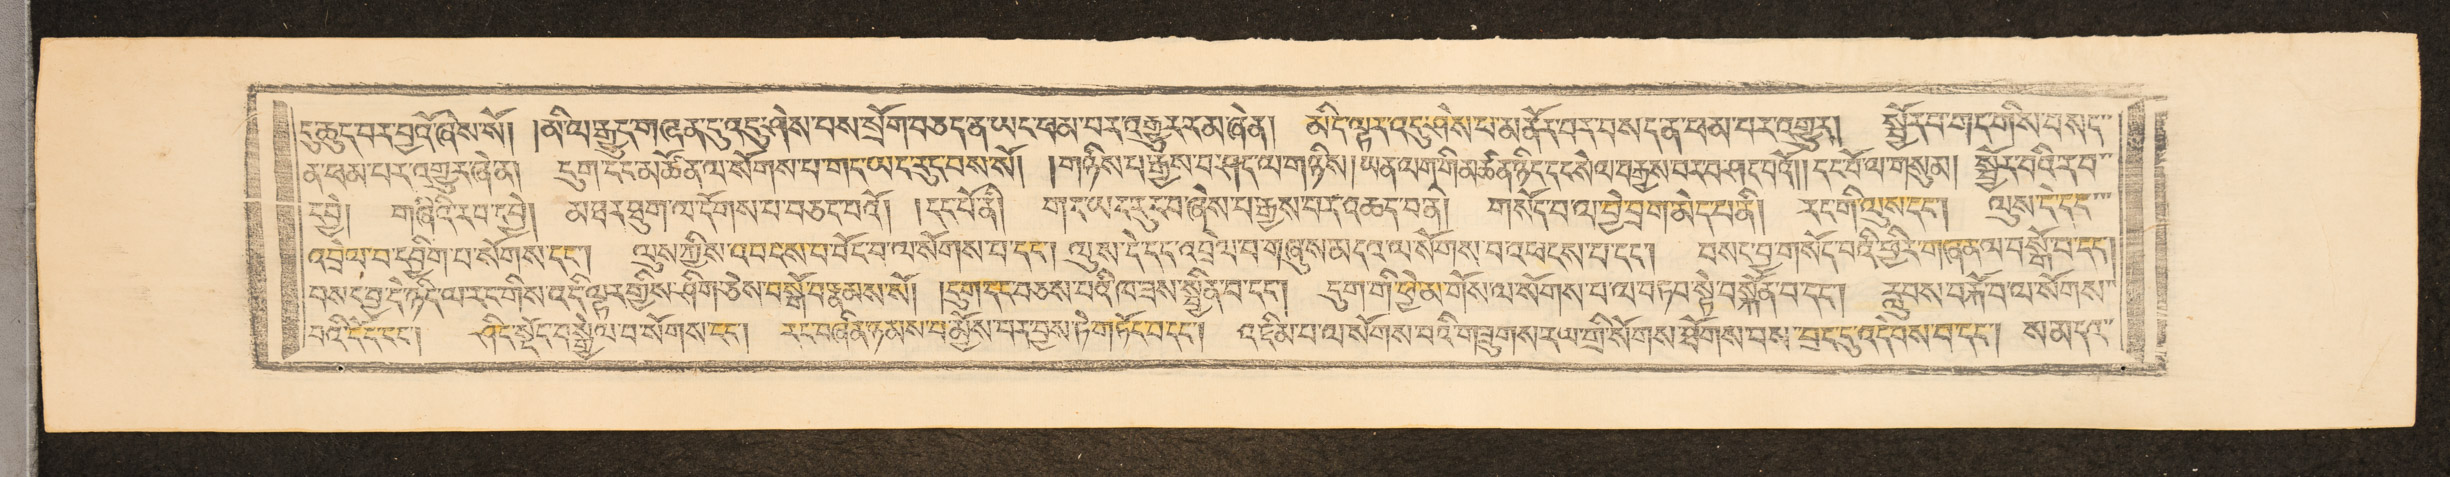དུ་ཆུད་པར་བྱའོ་ཞེས་སོ། །མི་ལ་རྒྱུད་གཞན་དུ་འདུ་ཤེས་པས་སྲོག་བཅད་ན་ཡང་ཕམ་པར་འགྱུར་རམ་ཞེ་ན། མི་དེ་ལྟར་འདུ་ཤེས་པ་མ་ནོར་བར་བསད་ན་ཕམ་པར་འགྱུར། སྦྱོར་བ་གང་གིས་བསད་
ན་ཕམ་པར་འགྱུར་ཞེ་ན། དུག་དང་མཚོན་ལ་སོགས་པ་གང་ཡང་རུང་བས་སོ། །གཉིས་པ་རྒྱས་བཤད་ལ་གཉིས། ཡན་ལག་གི་མཚན་ཉིད་དང་སེལ་བ་རྒྱས་པར་བཤད་པའོ།། དང་པོ་ལ་གསུམ། སྦྱོར་བའི་རབ་
དབྱེ། གཞིའི་རབ་དབྱེ། མཐར་ཐུག་ལ་དོགས་པ་བཅད་པའོ། །དང་པོ་ནི། གང་ཡང་རུང་བ་ཞེས་པ་རྒྱས་པར་འཆད་པ་ནི། གསོད་པ་ལ་བྱེ་བྲག་མེད་པ་ནི། རང་གི་ལུས་དང་། ལུས་དེ་དང་
འབྲེལ་བ་དབྱིག་པ་སོགས་དང་། ལུས་ཀྱིས་འཕངས་པ་བོད་བ་ལ་སོགས་པ་དང་། ལུས་དེ་དང་འབྲེལ་བ་གཞུས་མདའ་ལ་སོགས་པ་འཕངས་པ་དང་། བསང་བྱ་གསོད་པའི་ཕྱིར་གཞན་ལ་བསྒོ་བ་དང་།
བསང་བྱ་དེ་ཉིད་ལ་རང་གིས་འདི་ལྟར་གྱིས་ཤིག་ཅེས་བསྒོ་བ་རྣམས་སོ། །དུག་དང་བཅས་པའི་ཁ་ཟས་སྦྱིན་པ་དང་། དུག་གི་ཕྱེ་མ་གོས་ལ་སོགས་པ་ལ་བཏབ་སྟེ་བསྐོན་པ་དང་། རླུབས་བརྐོ་བ་ལ་སོགས་
པའི་དོན་དང་། ཤིང་སྡོང་བསྒྱེལ་བ་སོགས་དང་། རང་བཞིན་ཉམས་པ་མྱོས་པར་བྱས་ཏེ་གཏོང་བ་དང་། འཇིམ་པ་ལ་སོགས་པའི་གཟུགས་རལ་གྲི་སོགས་ཐོགས་པས་བྲང་དུ་འདེབས་པ་དང་། ས་མདའ་